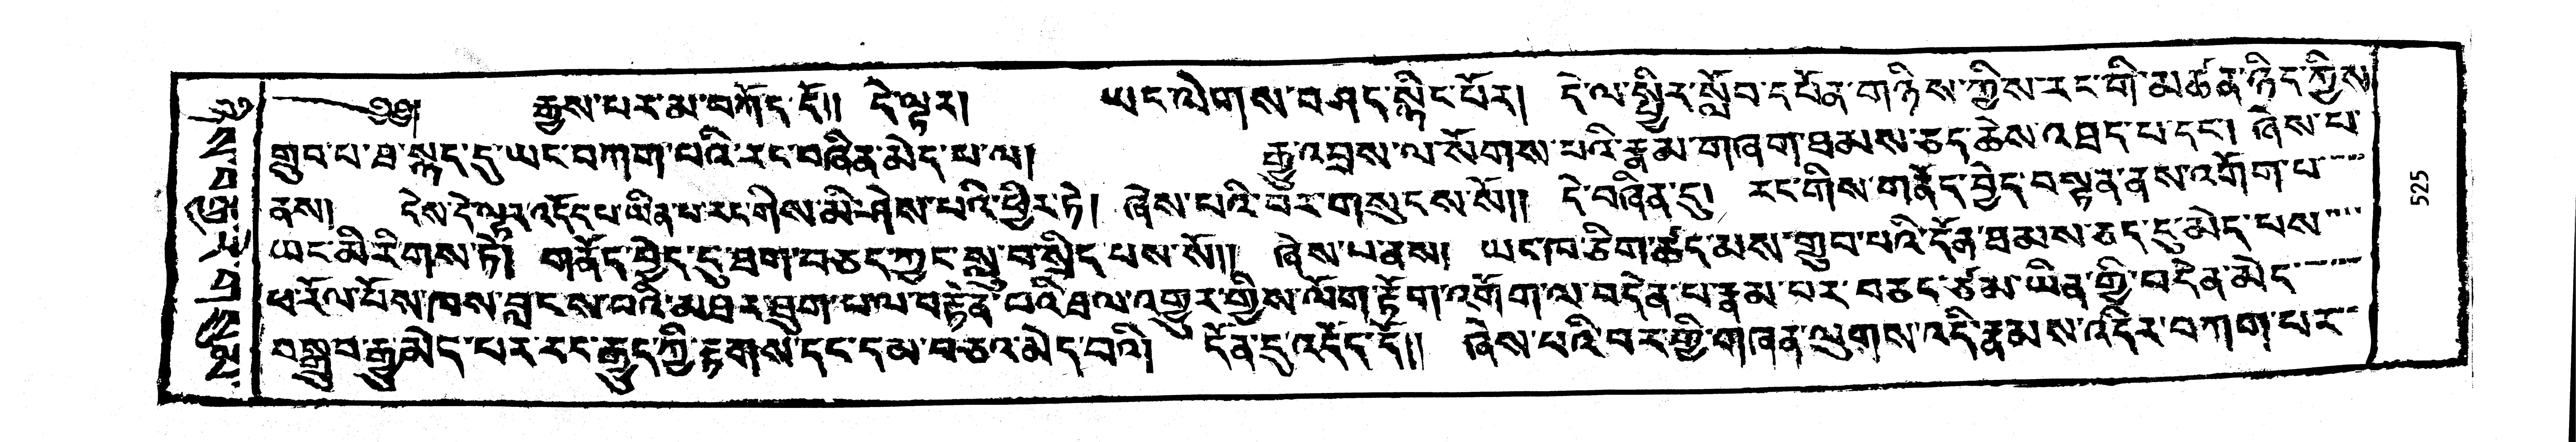༄༅། །རྒྱས་པར་མ་བཀོད་དོ། །དེ་ལྟར། ཡང་ལེགས་བཤད་སྙིང་པོར། དེ་ལ་སྤྱིར་སློབ་དཔོན་གཉིས་ཀྱིས་རང་གི་མཚན་ཉིད་ཀྱིས་
གྲུབ་པ་ཐ་སྙད་དུ་ཡང་བཀག་པའི་རང་བཞིན་མེད་པ་ལ། རྒྱུ་འབྲས་ལ་སོགས་པའི་རྣམ་གཞག་ཐམས་ཅད་ཆེས་འཐད་པ་དང་། ཞེས་པ་
ནས། དེས་དེ་ལྟར་འདོད་པ་ཡིན་པ་རང་གིས་མི་ཤེས་པའི་ཕྱིར་ཏེ། ཞེས་པའི་བར་གསུངས་སོ། །དེ་བཞིན་དུ། རང་གིས་གནོད་བྱེད་བསྟན་ནས་འགོག་པ་
ཡང་མི་རིགས་ཏེ། གནོད་བྱེད་དུ་ཐག་བཅད་ཀྱང་སླུ་བ་སྲིད་པས་སོ། །ཞེས་པ་ནས། ཡང་ཁ་ཅིག་ཚད་མས་གྲུབ་པའི་དོན་ཐམས་ཅད་དུ་མེད་པས་
ཕ་རོལ་པོས་ཁས་བླངས་པའི་མཐར་ཐུག་པ་ལ་བརྟེན་པའི་ཐལ་འགྱུར་གྱིས་ལོག་རྟོག་འགོག་ལ་བདེན་པ་རྣམ་པར་བཅད་ཙམ་ཡིན་གྱི་བདེན་མེད་
བསྒྲུབ་རྒྱུ་མེད་པར་རང་རྒྱུད་ཀྱི་རྟགས་དང་དམ་བཅའ་མེད་པའི། དོན་དུ་འདོད་དོ། །ཞེས་པའི་བར་གྱི་གཞན་ལུགས་འདི་རྣམས་འདིར་བཀག་པར་